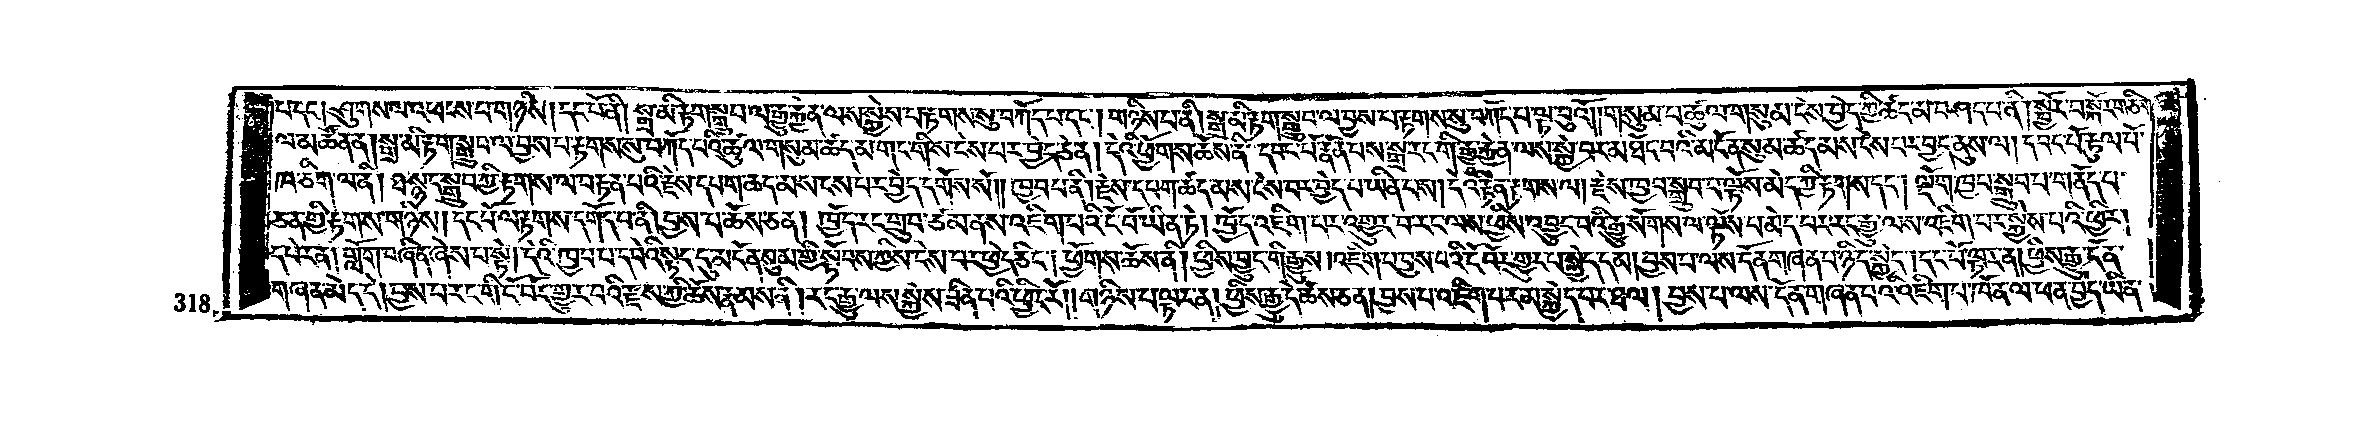པ་དང་། ཤུགས་ལ་འཕངས་པ་གཉིས། དང་པོ་ནི། སྒྲ་མི་རྟག་སྒྲུབ་ལ་རྒྱུ་རྐྱེན་ལས་སྐྱེས་པ་རྟགས་སུ་བཀོད་པ་དང་། གཉིས་པ་ནི། སྒྲ་མི་རྟག་སྒྲུབ་ལ་བྱས་པ་རྟགས་སུ་བཀོད་པ་ལྟ་བུའོ། །གསུམ་པ་ཚུལ་གསུམ་ངེས་བྱེད་ཀྱི་ཚད་མ་བཤད་པ་ནི། སྦྱོར་བ་སྐོར་གཅིག་
ལ་མཚོན་ན། སྒྲ་མི་རྟག་སྒྲུབ་ལ་བྱས་པ་རྟགས་སུ་བཀོད་པའི་ཚུལ་གསུམ་ཚད་མ་གང་གིས་ངེས་པར་བྱེད་ཅེ་ན། དེའི་ཕྱོགས་ཆོས་ནི་དབང་པོ་རྣོན་པས་སྒྲ་རང་གི་རྒྱུ་རྐྱེན་ལས་སྐྱེ་བར་མཐོང་བའི་མངོན་སུམ་ཚད་མས་ངེས་པར་བྱེད་ནུས་ལ། དབང་པོ་རྟུལ་པོ་
ཁ་ཅིག་ལ་ནི། ཐ་སྙད་སྒྲུབ་ཀྱི་རྟགས་ལ་བརྟན་པའི་རྗེས་དཔག་ཚད་མས་ངེས་པར་བྱེད་དགོས་སོ། །ཁྱབ་པ་ནི། རྗེས་དཔག་ཚད་མས་ངེས་པར་བྱེད་པ་ཡིན་པས། དེའི་རྟེན་རྟགས་ལ། རྗེས་ཁྱབ་སྒྲུབ་པ་ལྟོས་མེད་ཀྱི་རྟགས་དང་། ལྡོག་ཁྱབ་སྒྲུབ་པ་གནོད་པ་
ཅན་གྱི་རྟགས་གཉིས། དང་པོ་ལ་རྟགས་དགོད་པ་ནི། བྱས་པ་ཆོས་ཅན། ཁྱོད་རང་གྲུབ་ཙམ་ནས་འཇིག་པའི་ངོ་བོ་ཡིན་ཏེ། ཁྱོད་འཇིག་པར་འགྱུར་བ་རང་ལས་ཕྱིས་འབྱུང་བའི་རྒྱུ་སོགས་ལ་ལྟོས་པ་མེད་པར་རང་རྒྱུ་ལས་འཇིག་པར་སྐྱེས་པའི་ཕྱིར།
དཔེར་ན། གློག་བཞིན་ཞེས་པ་སྟེ། དེའི་ཁྱབ་པ་དཔེའི་སྟེང་དུ་མངོན་སུམ་གྱི་སྟོབས་ཀྱིས་ངེས་པར་ཕྱེད་ཅིང་། ཕྱོགས་ཆོས་ནི། ཕྱིས་བྱུང་གི་རྒྱུས། འཇིག་པ་བྱས་པའི་ངོ་བོར་གྱུར་པ་སྐྱེད་དམ། བྱས་པ་ལས་དོན་གཞན་པ་ཉིད་སྐྱེད། དང་པོ་ལྟར་ན། ཕྱིས་རྒྱུ་དོན་
གཞན་མེད་དེ། བྱས་པ་རང་གི་ངོ་བོར་གྱུར་པའི་རྫས་ཀྱི་ཆོས་རྣམས་ནི། རང་རྒྱུ་ལས་སྐྱེས་ཟིན་པའི་ཕྱིར་རོ། །གཉིས་པ་ལྟར་ན། ཕྱིས་རྒྱུ་དེ་ཆོས་ཅན། བྱས་པ་འཇིག་པར་མ་སྐྱེད་པར་ཐལ། བྱས་པ་ལས་དོན་གཞན་པའི་འཇིག་པ་ཁོ་ན་ལ་ཕན་བྱེད་ཡིན་